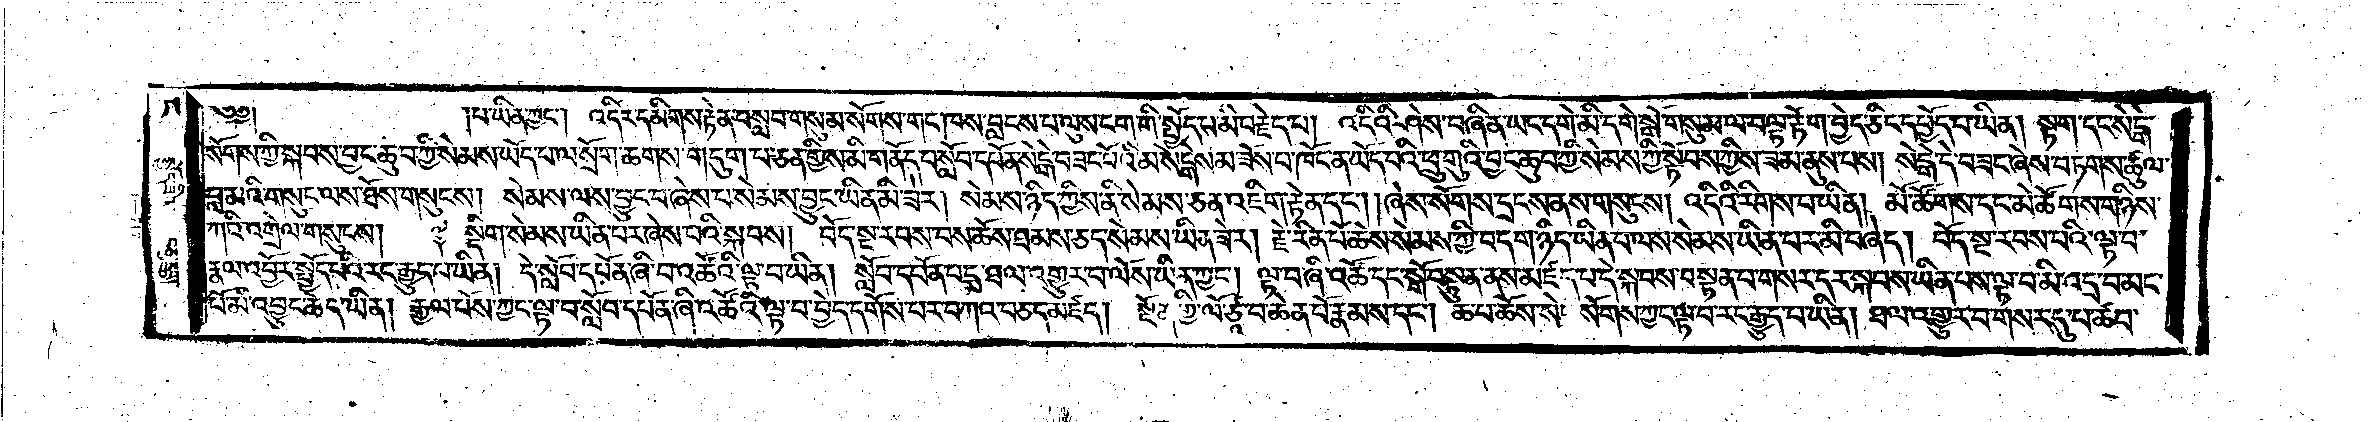༄༅། །པ་ཡིན་ཀྱང་། འདིར་དམིགས་རྟེན་བསླབ་གསུམ་སོགས་གང་ཁས་བླངས་པ་ལུས་ངག་གི་སྤྱོད་པ་མི་བརྗེད་པ། འདིའི་ཤེས་བཞིན་ཡང་དགེ་མི་དགེ་སྒོ་གསུམ་ལ་བལྟ་རྟོག་བྱེད་ཅིང་དཔྱོད་པ་ཡིན། སྟག་དང་སེངྒེ་
སོགས་ཀྱི་སྐབས་བྱང་ཆུབ་ཀྱི་སེམས་ཡོད་པ་ལ་སྲོག་ཆགས་གདུག་པ་ཅན་གྱིས་མི་གནོད་པ་སློབ་དཔོན་སེངྒེ་བཟང་པོའི་མ་སེངྒེས་མ་ཟོས་པ་ཁོང་ན་ཡོད་པའི་ཕྲུ་གུའི་བྱང་ཆུབ་ཀྱི་སེམས་ཀྱི་སྟོབས་ཀྱིས་ཟམ་ནུས་པས། སེངྒེ་དེ་བཟང་ཞེས་བཏགས་ཚུལ་
བླ་མའི་གསུང་ལས་ཐོས་གསུངས། སེམས་ལས་བྱུང་བ་ཞེས་པ་སེམས་བྱུང་ཡིན་མི་ཟེར། སེམས་ཉིད་ཀྱིས་ནི་སེམས་ཅན་འཇིག་རྟེན་དང་། །ཞེས་སོགས་དྲངས་ནས་གསུངས། འདིའི་རིགས་པ་ཡིན། མོ་ཚོགས་དང་མེ་ཚོགས་གཉིས་
ཀའི་འགྲེལ་གསུངས། ༈ སྡིག་སེམས་ཡིན་པར་ཞེས་པའི་སྐབས། བོད་སྔ་རབས་བས་ཆོས་ཐམས་ཅད་སེམས་ཡིན་ཟེར། རྗེ་རིན་པོ་ཆེས་སེམས་ཀྱི་བདག་ཉིད་ཡིན་པ་ལས་སེམས་ཡིན་པར་མི་བཞེད། བོད་སྔ་རབས་པའི་ལྟ་བ་
རྣལ་འབྱོར་སྤྱོད་པའི་རང་རྒྱུད་པ་ཡིན། དེ་སློབ་དཔོན་ཞི་བ་འཚོའི་ལྟ་བ་ཡིན། སློབ་དཔོན་པདམ་ཐལ་འགྱུར་བ་ལོས་ཡིན་ཀྱང་། ལྟ་བ་ཞི་འཚོ་དང་སྒོ་བསྟུན་ནས་མཛད་པ་དེ་སྐབས་བསྟན་པ་གསར་དར་སྐབས་ཡིན་པས་ལྟ་བ་མི་འདྲ་བ་མང་
པོ་མི་འབྱུང་ཆེད་ཡིན། རྒྱལ་པོས་ཀྱང་ལྟ་བ་སློབ་དཔོན་ཞི་འཚོའི་ལྟ་བ་བྱེད་དགོས་པར་བཀའ་བཅད་མཛད། སྔོན་གྱི་ལོ་ཙཱ་བ་ཆེན་པོ་རྣམས་དང་། ཆ་པ་ཆོས་སེང་སོགས་ཀྱང་ལྟ་བ་རང་རྒྱུད་པ་ཡིན། ཐལ་འགྱུར་བ་གསར་དུ་པ་ཚབ་